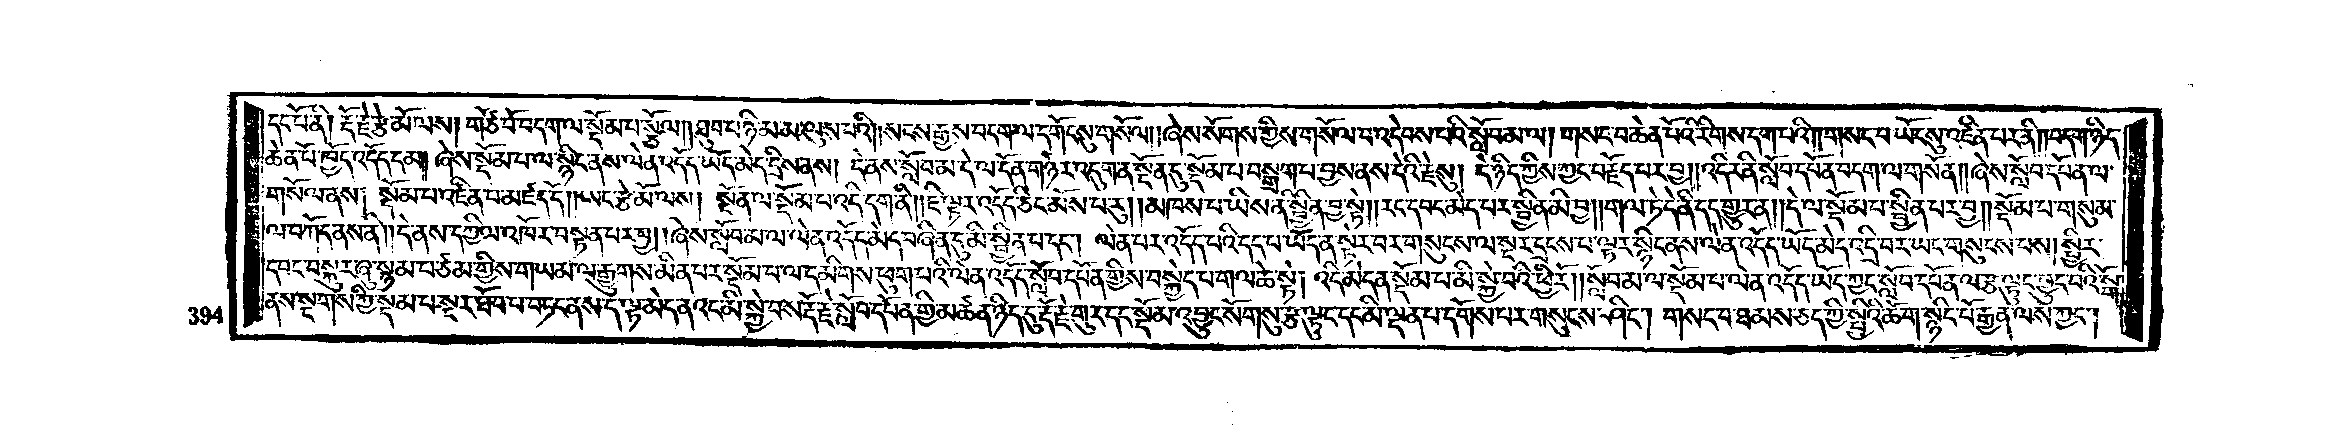དང་པོ་ནི། རྡོ་རྗེ་རྩེ་མོ་ལས། གཙོ་བོ་བདག་ལ་སྡོམ་པ་སྩོལ། །ཐུབ་པ་ཉི་མ་མ་ལུས་པའི། །སངས་རྒྱས་བདག་ལ་དགོངས་སུ་གསོལ། །ཞེས་སོགས་ཀྱིས་གསོལ་བ་འདེབས་པའི་སློབ་མ་ལ། གསང་བ་ཆེན་པོའི་རིགས་དག་པའི། །གསང་བ་ཡོངས་སུ་འཛིན་པར་ནི། །བདག་ཉིད་
ཆེན་པོ་ཁྱོད་འདོད་དམ། ཞེས་སྡོམ་པ་ལ་སྙིང་ནས་ལེན་འདོད་ཡོད་མེད་དྲིས་ནས། དེ་ནས་སློབ་མ་དེ་ལ་དོན་གཉེར་འདུག་ན་སྔོན་དུ་སྡོམ་པ་བསྒྲག་པ་བྱས་ནས་དེའི་རྗེས་སུ། དེ་ཉིད་ཀྱིས་ཀྱང་བརྗོད་པར་བྱ། །འདིར་ནི་སློབ་དཔོན་བདག་ལ་གསོན། །ཞེས་སློབ་དཔོན་ལ་
གསོལ་ནས། སྡོམ་པ་འཛིན་པ་མཛད་དོ། །ཡང་རྩེ་མོ་ལས། སྔོན་ལ་སྡོམ་པ་འདི་དག་ནི། །ཇི་ལྟར་འདོད་ཅིང་མོས་པ་རུ། །མཁས་པ་ཡིས་ནི་སྦྱིན་བྱ་སྟེ། །རང་དབང་མེད་པར་སྦྱིན་མི་བྱ། །གལ་ཏེ་དེ་ནི་དད་གྱུར་ན། །དེ་ལ་སྡོམ་པ་སྦྱིན་པར་བྱ། །སྡོམ་པ་གསུམ་
ལ་བཀོད་ནས་ནི། །དེ་ནས་དཀྱིལ་འཁོར་བསྟན་པར་བྱ། །ཞེས་སློབ་མ་ལ་ལེན་འདོད་མེད་བཞིན་དུ་མི་སྦྱིན་པ་དང་། ལེན་པར་འདོད་པའི་དད་པ་ཡོད་ན་སྟེར་བར་གསུངས་ལ་སྔར་དྲངས་པ་ལྟར་སྙིང་ནས་ལེན་འདོད་ཡོད་མེད་འདྲི་བར་ཡང་གསུངས་པས། སྤྱིར་
དབང་བསྐུར་ཞུ་སྙམ་པ་ཙམ་གྱིས་གཡམ་ལ་རྒྱུགས་མིན་པར་སྡོམ་པ་ལ་དམིགས་ཕུག་པའི་ལེན་འདོད་སློབ་དཔོན་གྱིས་བསྐྱེད་པ་གལ་ཆེ་སྟེ། འདི་མེད་ན་སྡོམ་པ་མི་སྐྱེ་བའི་ཕྱིར་རོ། །སློབ་མ་ལ་སྡོམ་པ་ལེན་འདོད་ཡོད་ཀྱང་སློབ་དཔོན་ལ་རྩ་ལྟུང་བྱུང་བའི་སྒོ་
ནས་སྔགས་ཀྱི་སྡམ་པ་སྔར་ཐོབ་པ་བཏང་ནས་ད་ལྟ་མེད་ནའང་མི་སྐྱེ་བས་རྡོ་རྗེ་སློབ་དཔོན་གྱི་མཚན་ཉིད་དུ་རྡོ་རྗེ་གུར་དང་སྡོམ་འབྱུང་སོགས་སུ་རྩ་ལྟུང་དང་མི་ལྡན་པ་དགོས་པར་གསུངས་ཤིང་། གསང་བ་ཐམས་ཅད་ཀྱི་སྤྱིའི་ཆོག་སྙིང་པོ་རྒྱན་ལས་ཀྱང་།